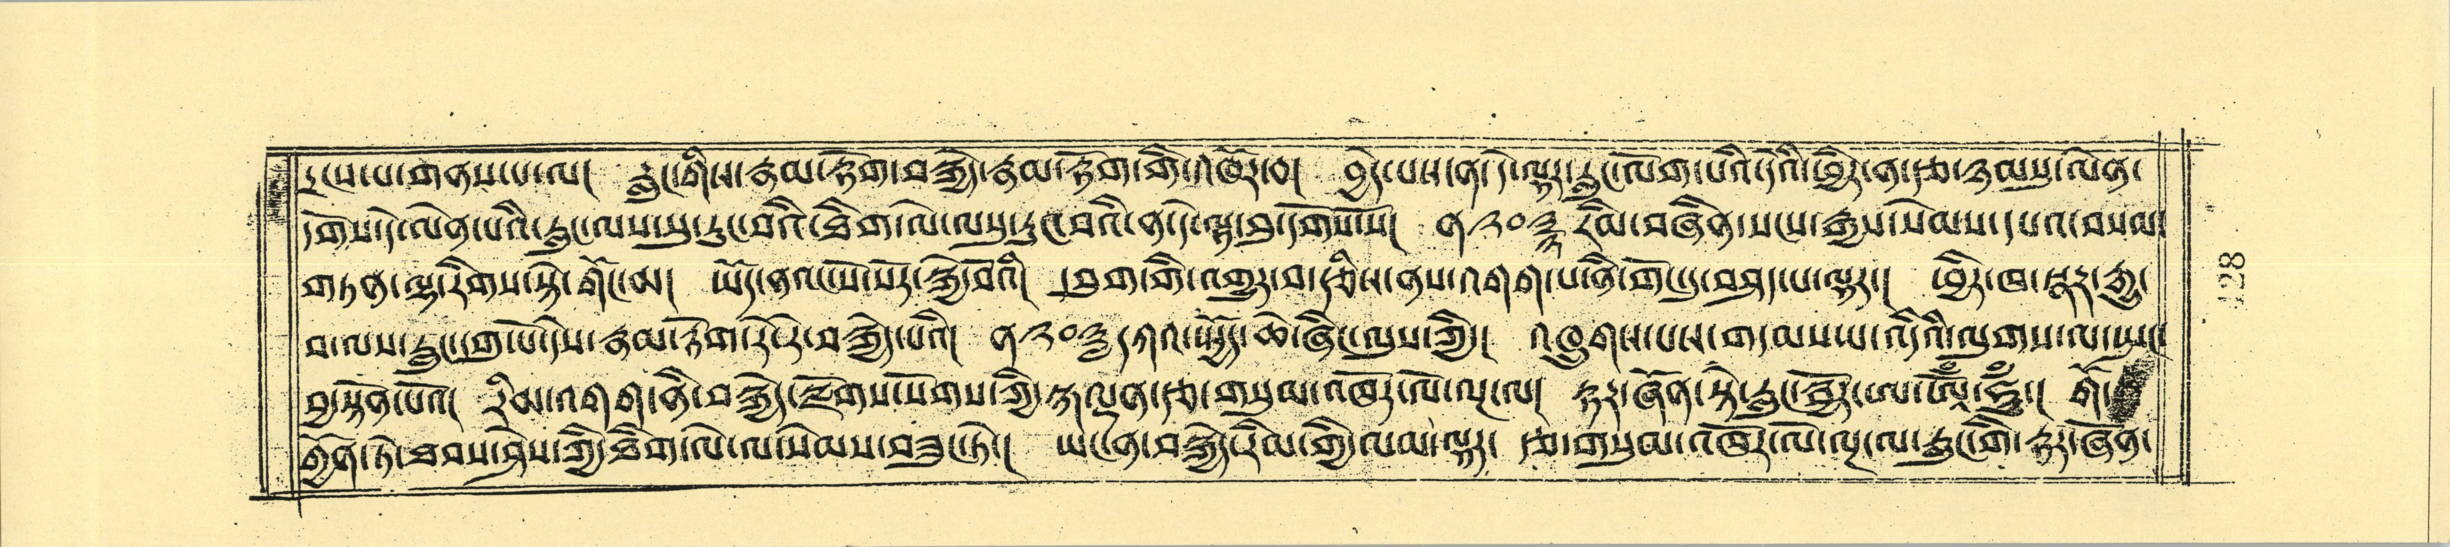དྲངས་པ་གནས་པ་ལ་ རླུང་གིས་རྣམ་རྟོག་བསྐྱེད་རྣམ་རྟོག་གིས་འཁོར་བ་ བྱེད་པས་ན་དེ་ལྟར་རླུང་ལོག་པས་དེའི་ཕྱིར་ན་རྩ་ཉམས་སུ་ལེན་
དགོས་དེ་ལེན་པའི་རླུང་ལས་སུ་རུང་བའི་ཐིག་ལེ་ལས་སུ་རུང་བས་ན་དེ་ལྟ་བུ་དགོས་སོ། ན༢༠༣།༢རིམ་བཞིན་སངས་རྒྱས་སེམས་དཔའ་བསམ་
གཏན་ལྷ་རིོགས་སྟེ་གོང་མ་ ཡོད་ནའང་སོ་སོར་སྐྱེ་བོའི་ དབུག་གི་འགྱུར་བ་བརྩིས་ནས་འགག་པ་ནི་གོང་དུ་བཤད་པ་ལྟར། ཕྱིར་ཁ་སྣར་རྒྱུ་
བ་ལས་རླུང་དགུ་པོ་དེས་རྣམ་རྟོག་རེ་རེ་བསྐྱེད་པའི། ན༢༠༣།༤དཀའ་སྤྱོད་ཆེ་ཞིང་ལུས་ཀྱི་ འཁྲུགས་པས་གདམས་པ་འདིའི་ལུགས་ལ་སྤང་
བྱ་སྟོན་པའོ། རིམ་འགག་ནི་བསྐྱེད་རྫོགས་སོགས་ཀྱི་སྐལ་ལྡན་རྩ་གསུམ་འཁོར་ལོ་ལྔ་ལ་ རྟར་ཞོན་སྟེ་རླུང་སྦྱོར་ཨ་ཨཱོྃ་ཧཱུཾ་ གོ་
གྱོན་ཏེ་ཐབས་ཤེས་ཀྱི་ཐིག་ལེ་ལ་སེམས་བཟུང་སྟེ་ ཡང་ན་བསྐྱེད་རིམ་གྱི་ལམ་ལྟར་ རྩ་གསུམ་འཁོར་ལོ་ལྔ་ལ་རླུང་གི་རྟར་ཞོན་